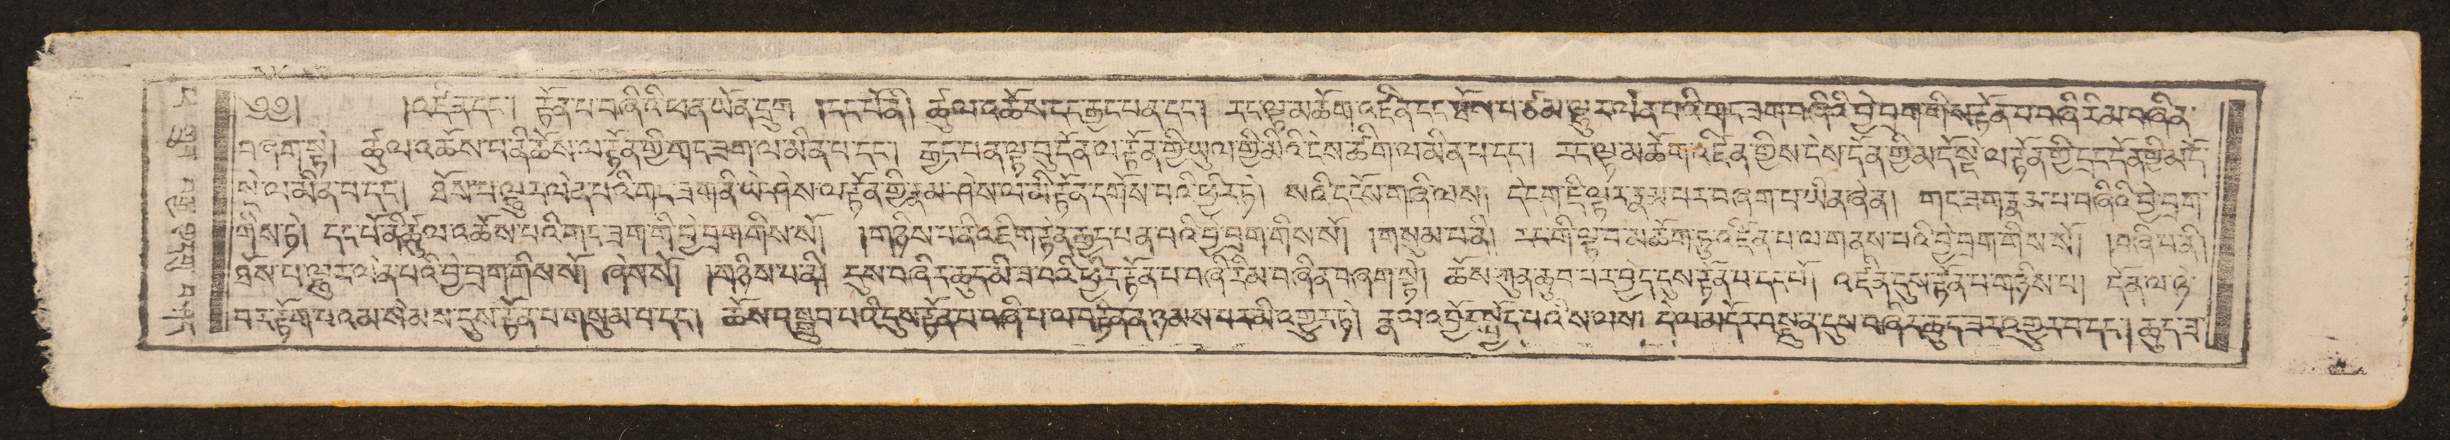༄༅། །འཛིན་དང་། རྟོན་པ་བཞིའི་ཕན་ཡོན་དྲུག །དང་པོ་ནི། ཚུལ་འཆོས་ངང་རྒྱང་པ་ན་དང་། རང་ལྟ་མཆོག་འཛིན་ངང་ཐོས་པ་ཙམ་ལྷུར་ལེན་པའི་གང་ཟག་བཞིའི་བྱེ་བྲག་གིས་རྟོན་པ་བཞི་རིམ་བཞིན་
བཞག་སྟེ། ཚུལ་འཆོས་པ་ནི་ཆོས་ལ་རྟོན་གྱི་གང་ཟག་ལ་མིན་པ་དང་། རྒྱང་པ་ན་ལྟ་བུ་དོན་ལ་རྟོན་གྱི་ཡུལ་གྱི་མིའི་དེས་ཚིག་ལ་མིན་པ་དང་། རང་ལྟ་མཆོག་འཛིན་གྱིས་ངེས་དོན་གྱི་མདེ་སྡེ་ལ་རྟོན་གྱི་དྲང་དོན་གྱི་མདོ་
སྡེ་ལ་མིན་པ་དང་། ཐོས་པ་ལྷུར་ལེན་པའི་གང་ཟག་ནི་ཡེ་ཤེས་ལ་རྟོན་གྱི་རྣམ་ཤེས་ལ་མི་རྟོན་དགོས་པའི་ཕྱིར་ཏེ། སའི་དངོས་གཞི་ལས། དེ་དག་ཇི་ལྟར་རྣམ་པར་བཞག་པ་ཡིན་ཞེ་ན། གང་ཟག་རྣམ་པ་བཞིའི་བྱེ་བྲག་
གིས་ཏེ། དང་པོ་ནི་ཚུལ་འཆོས་པའི་གང་ཟག་གི་བྱེ་བྲག་གིས་སོ། །གཉིས་པ་ནི་འཇིག་རྟེན་རྒྱད་པ་ན་པའི་བྱེ་བྲག་གིས་སོ། །གསུམ་པ་ནི། རང་གི་ལྟ་བ་མཆོག་ཏུ་འཛིན་པ་ལ་གནས་པའི་བྱེ་བྲག་གིས་སོ། །བཞི་པ་ནི།
ཐོས་པ་ལྷུར་ལེན་པའི་བྱེ་བྲག་གིས་སོ། ཞེས་སོ། །གཉིས་པ་ནི། དུས་བཞིར་ཆུད་མི་ཟ་བའི་ཕྱིར་རྟོན་པའི་བཞི་རིམ་བཞིན་བཞག་སྟེ། ཆོས་ཀུན་ཆུབ་པར་བྱེད་དུས་རྟོན་པ་དང་པོ། འཛིན་དུས་རྟོན་པ་གཉིས་པ། དོན་ལ་ཉེ་
བར་རྟོག་པའམ་སེམས་དུས་རྟོན་པ་གསུམ་པ་དང་། ཆོས་བསྒྲུབ་པའི་དུས་རྟོན་པ་བཞི་པ་ལ་བརྟེན་ན་ཉམས་པར་མི་འགྱུར་ཏེ། རྣལ་འབྱོར་སྤྱོད་པའི་ས་ལས། དེ་ལ་མདོར་བསྡུ་ན་དུས་བཞིར་ཆུད་ཟར་འགྱུར་བ་དང་། ཆུད་ཟ་